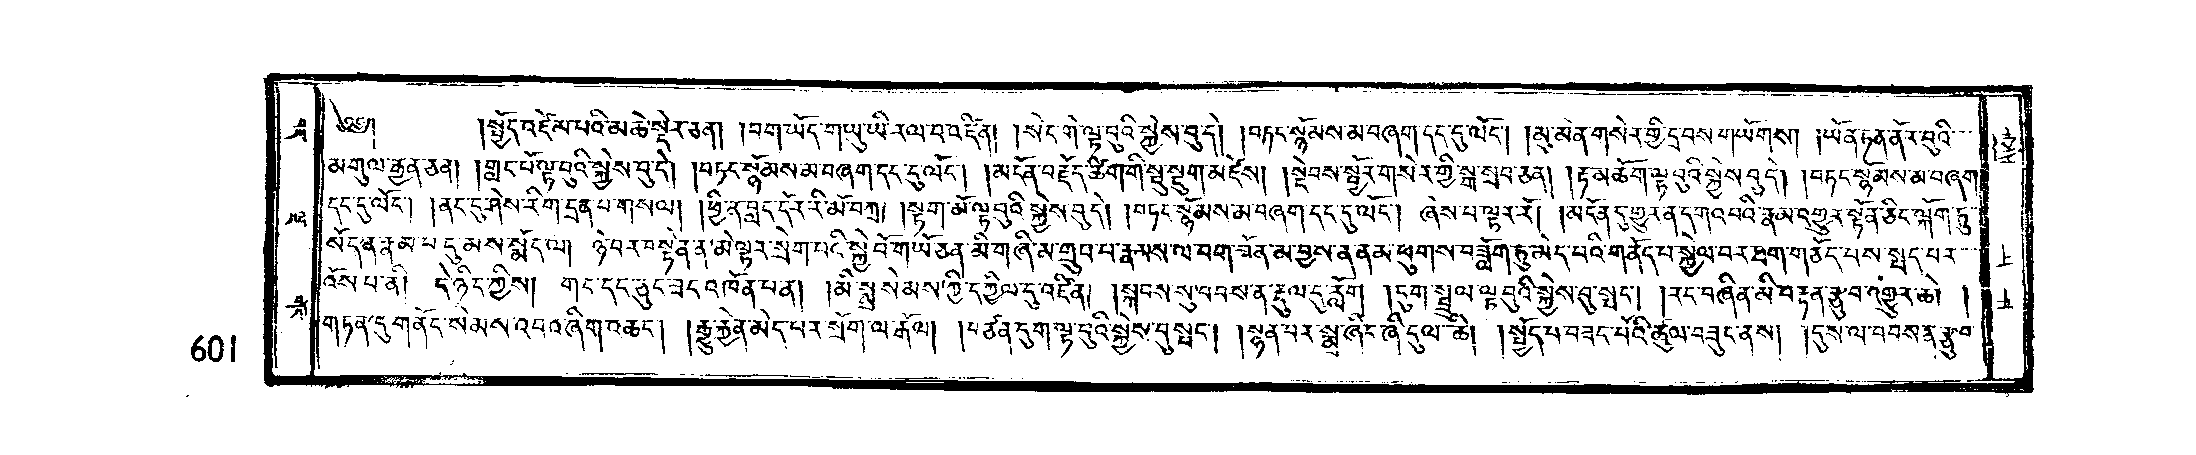༄༅། །སྤྱོད་འཛེམ་པའི་མཆེ་སྡེར་ཅན། །བག་ཡོད་གཡུ་ཡི་རལ་བ་འཛིན། །སེང་གེ་ལྟ་བུའི་སྐྱེས་བུ་དེ། །བཏང་སྙོམས་མ་བཞག་དང་དུ་ལོང་། །མུ་མེན་གསེར་གྱི་དྲ་བས་གཡོགས། །ཡོན་ཏན་ནོར་བུའི་
མགུལ་རྒྱན་ཅན། །གླང་པོ་ལྟ་བུའི་སྐྱེས་བུ་དེ། །བཏང་སྙོམས་མ་བཞག་དང་དུ་ལོང་། །མངོན་བརྗོད་ཚིག་གི་སྦུ་སྡུག་མཛེས། །སྡེབས་སྦྱོར་གསེར་གྱི་སྒ་སྲབ་ཅན། །རྟ་མཆོག་ལྟ་བུའི་སྐྱེས་བུ་དེ། །བཏང་སྙོམས་མ་བཞག་
དང་དུ་ལོང་། །ནང་དུ་ཤེས་རིག་དྲན་པ་གསལ། །ཕྱི་ན་བླང་དོར་རི་མོ་བཀྲ། །སྟག་མོ་ལྟ་བུའི་སྐྱེས་བུ་དེ། །བཏང་སྙོམས་མ་བཞག་དང་དུ་ལོང་། ཞེས་པ་ལྟར་རོ། །མངོན་དུ་གྱུར་ན་དགའ་བའི་རྣམ་འགྱུར་སྟོན་ཅིང་ལྐོག་ཏུ་
སོད་ན་རྣམ་པ་དུ་མས་སྨོད་ལ། ཉེ་བར་བསྟེན་ན་མེ་ལྟར་སྲེག་པའི་སྐྱེ་བོ་གཡོ་ཅན་མི་གཞི་མ་གྲུབ་པ་རྣམས་ལ་བག་ཟོན་མ་བྱས་ན་ནམ་ཕུགས་བཟློག་ཏུ་མེད་པའི་གནོད་པ་སྐྱེལ་བར་ཐག་གཅོད་པས་སྤད་པར་
འོས་པ་ནི། དེ་ཉིད་ཀྱིས། གང་དང་ཅུང་ཟད་འཁོན་པ་ན། །མི་སྨྲ་སེམས་ཀྱི་དཀྱིལ་དུ་འཛིན། །སྐབས་སུ་བབས་ན་རྡུལ་དུ་རློག །དུག་སྦྲུལ་ལྟ་བུའི་སྐྱེས་བུ་སྤང་། །རང་བཞིན་མི་བརྟན་རྩུབ་འགྱུར་ཆེ། །
གཏན་དུ་གནོད་སེམས་འབའ་ཞིག་འཆང་། །རྒྱུ་རྐྱེན་མེད་པར་སྲོག་ལ་རྒོལ། །བཙན་དུག་ལྟ་བུའི་སྐྱེས་བུ་སྤང་། །སྙན་པར་སྨྲ་ཞིང་ཞི་དུལ་ཆེ། །སྤྱོད་པ་བཟང་པོའི་ཚུལ་བཟུང་ནས། །དུས་ལ་བབས་ན་རྩུབ་